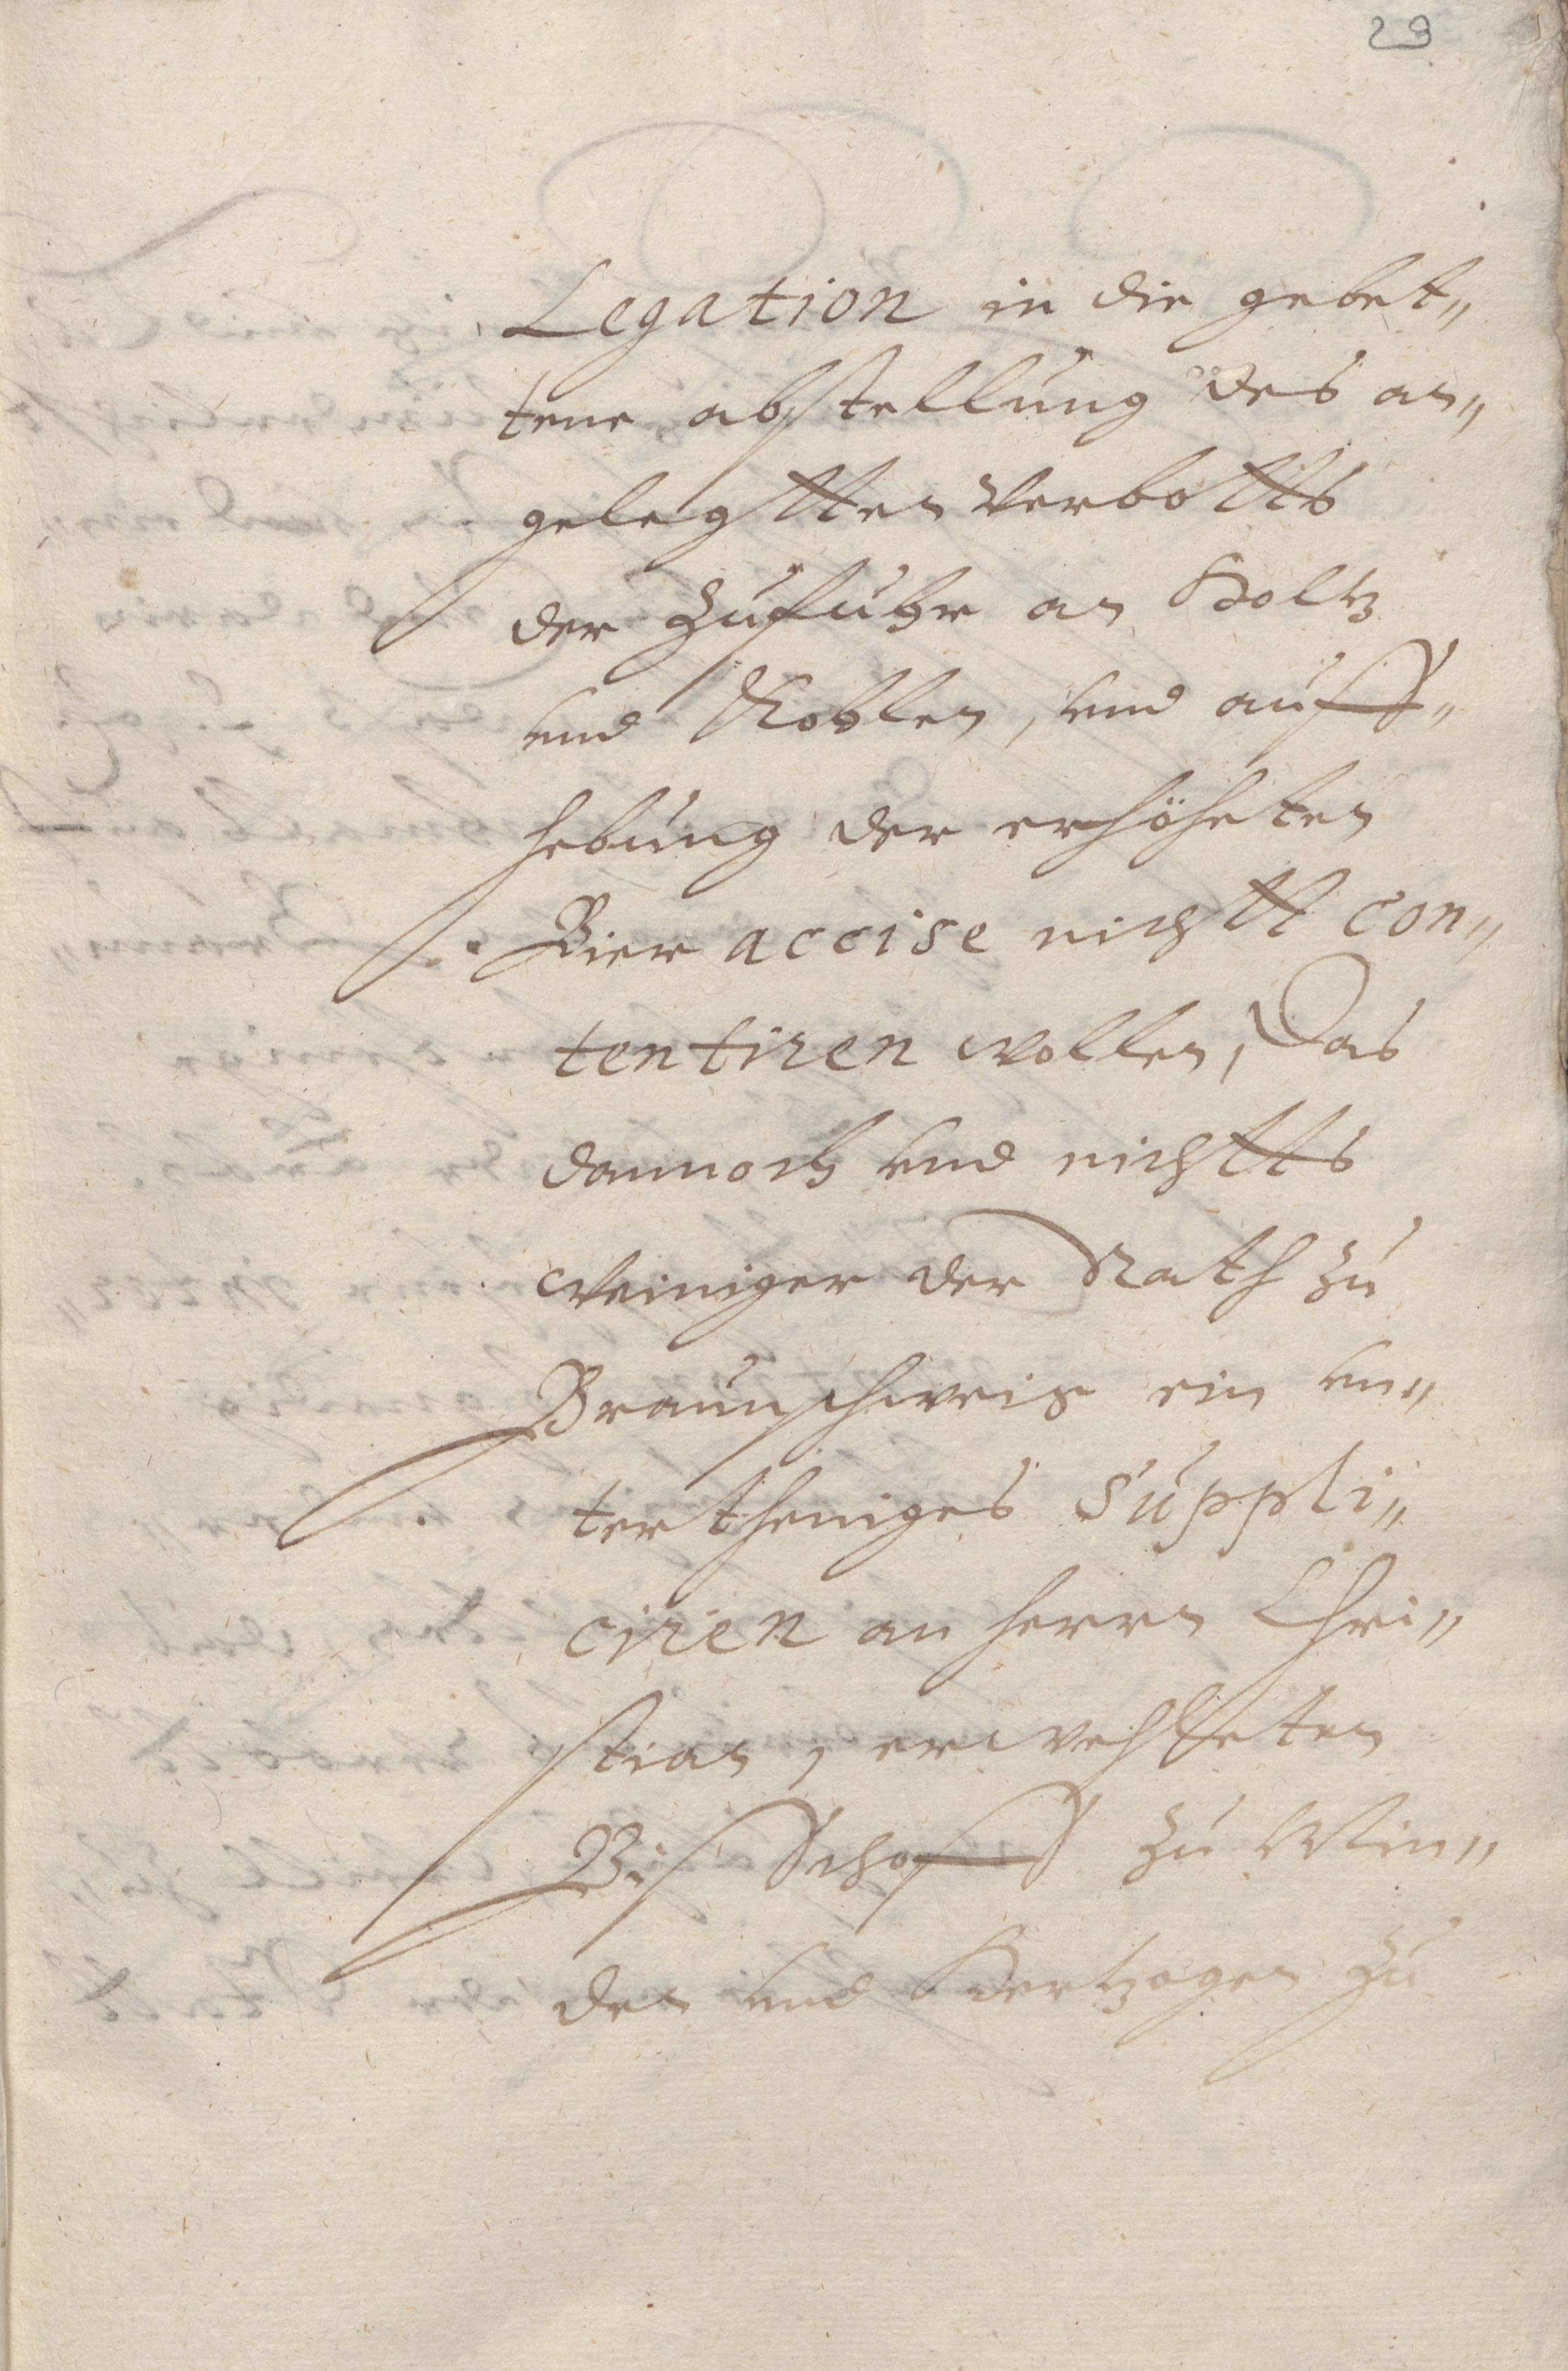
Legation in die gebet¬
tene abstellung des an¬
gelegtten Verbotts
der zufuhr an Holtz
vnd Kohlen, vnd auff¬
hebung der erhöheten
Bier accise nichtt con¬
tentiren wollen, Das
dannoch vnd nichtts
weiniger der Rath zu
Braunschweig ein vn¬
tertheniges suppli¬
ciren an herrn Chri¬
stian, erwehleten
Bischoff zu Min¬
den vnd Hertzogen zu
